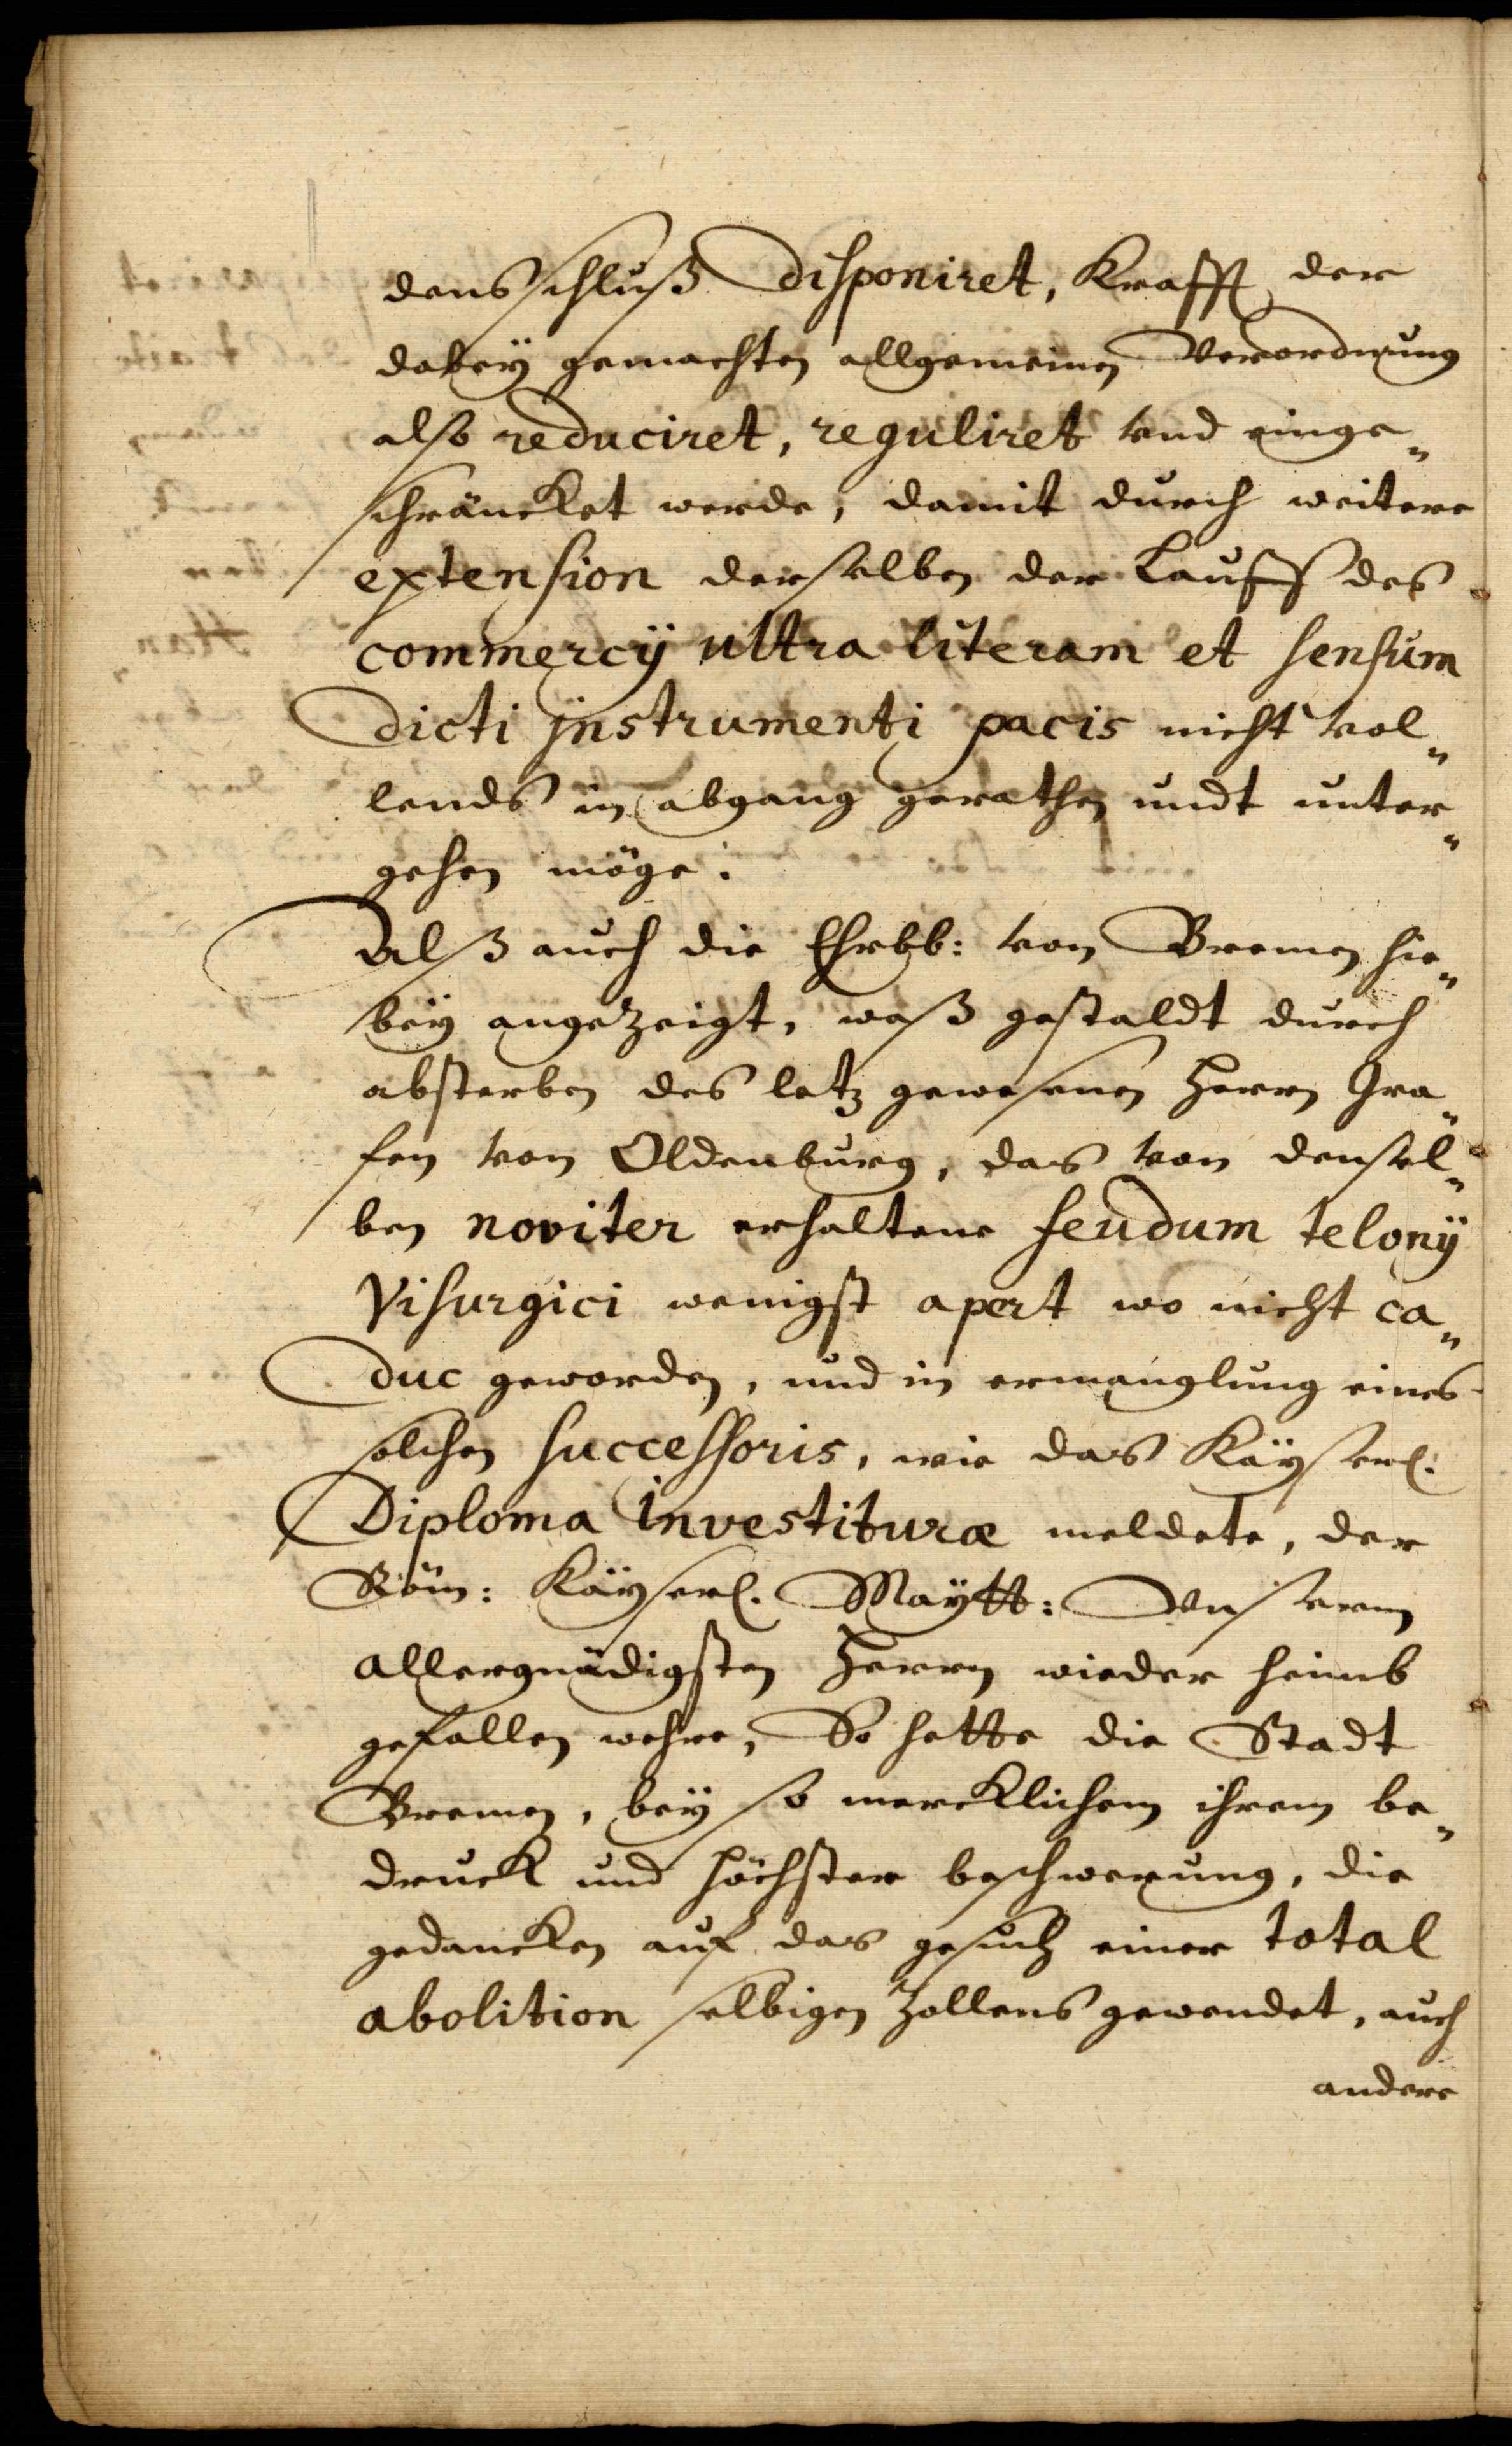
densschluß disponiret, krafft der
dabeij gemachten allgemeinen verordnung
alß reduciret, reguliret vnd einge¬
schräncket werde, damit durch weitere
extension derselben der Lauff des
commercij ultra literam et sensum
dicti jnstrumenti pacis nicht vol¬
lends in abgang gerathen undt unter¬
gehen möge.
Alß auch die Ehrbb: von Bremen hie¬
beij angezeigt, waß gestaldt durch
absterben des letz gewesenen Herrn Gra¬
fen von Oldenburg, das von densel¬
ben noviter erhaltene feudum telonij
Visurgici wenigst apert wo nicht ca¬
duc geworden, und in ermanglung eines
solchen successoris, wie das Kaijserl.
Diploma investiturae meldete, der
Röm: Kaijserl. Maijtt: Vnserm
allergnädigsten Herrn wieder heimb
gefallen wehre, So hette die Stadt
Bremen, beij so mercklichem ihren be¬
druck und höchster beschwerung, die
gedancken auf das gesuch einer total
abolition selbigen zollens gewendet, auch
andere
